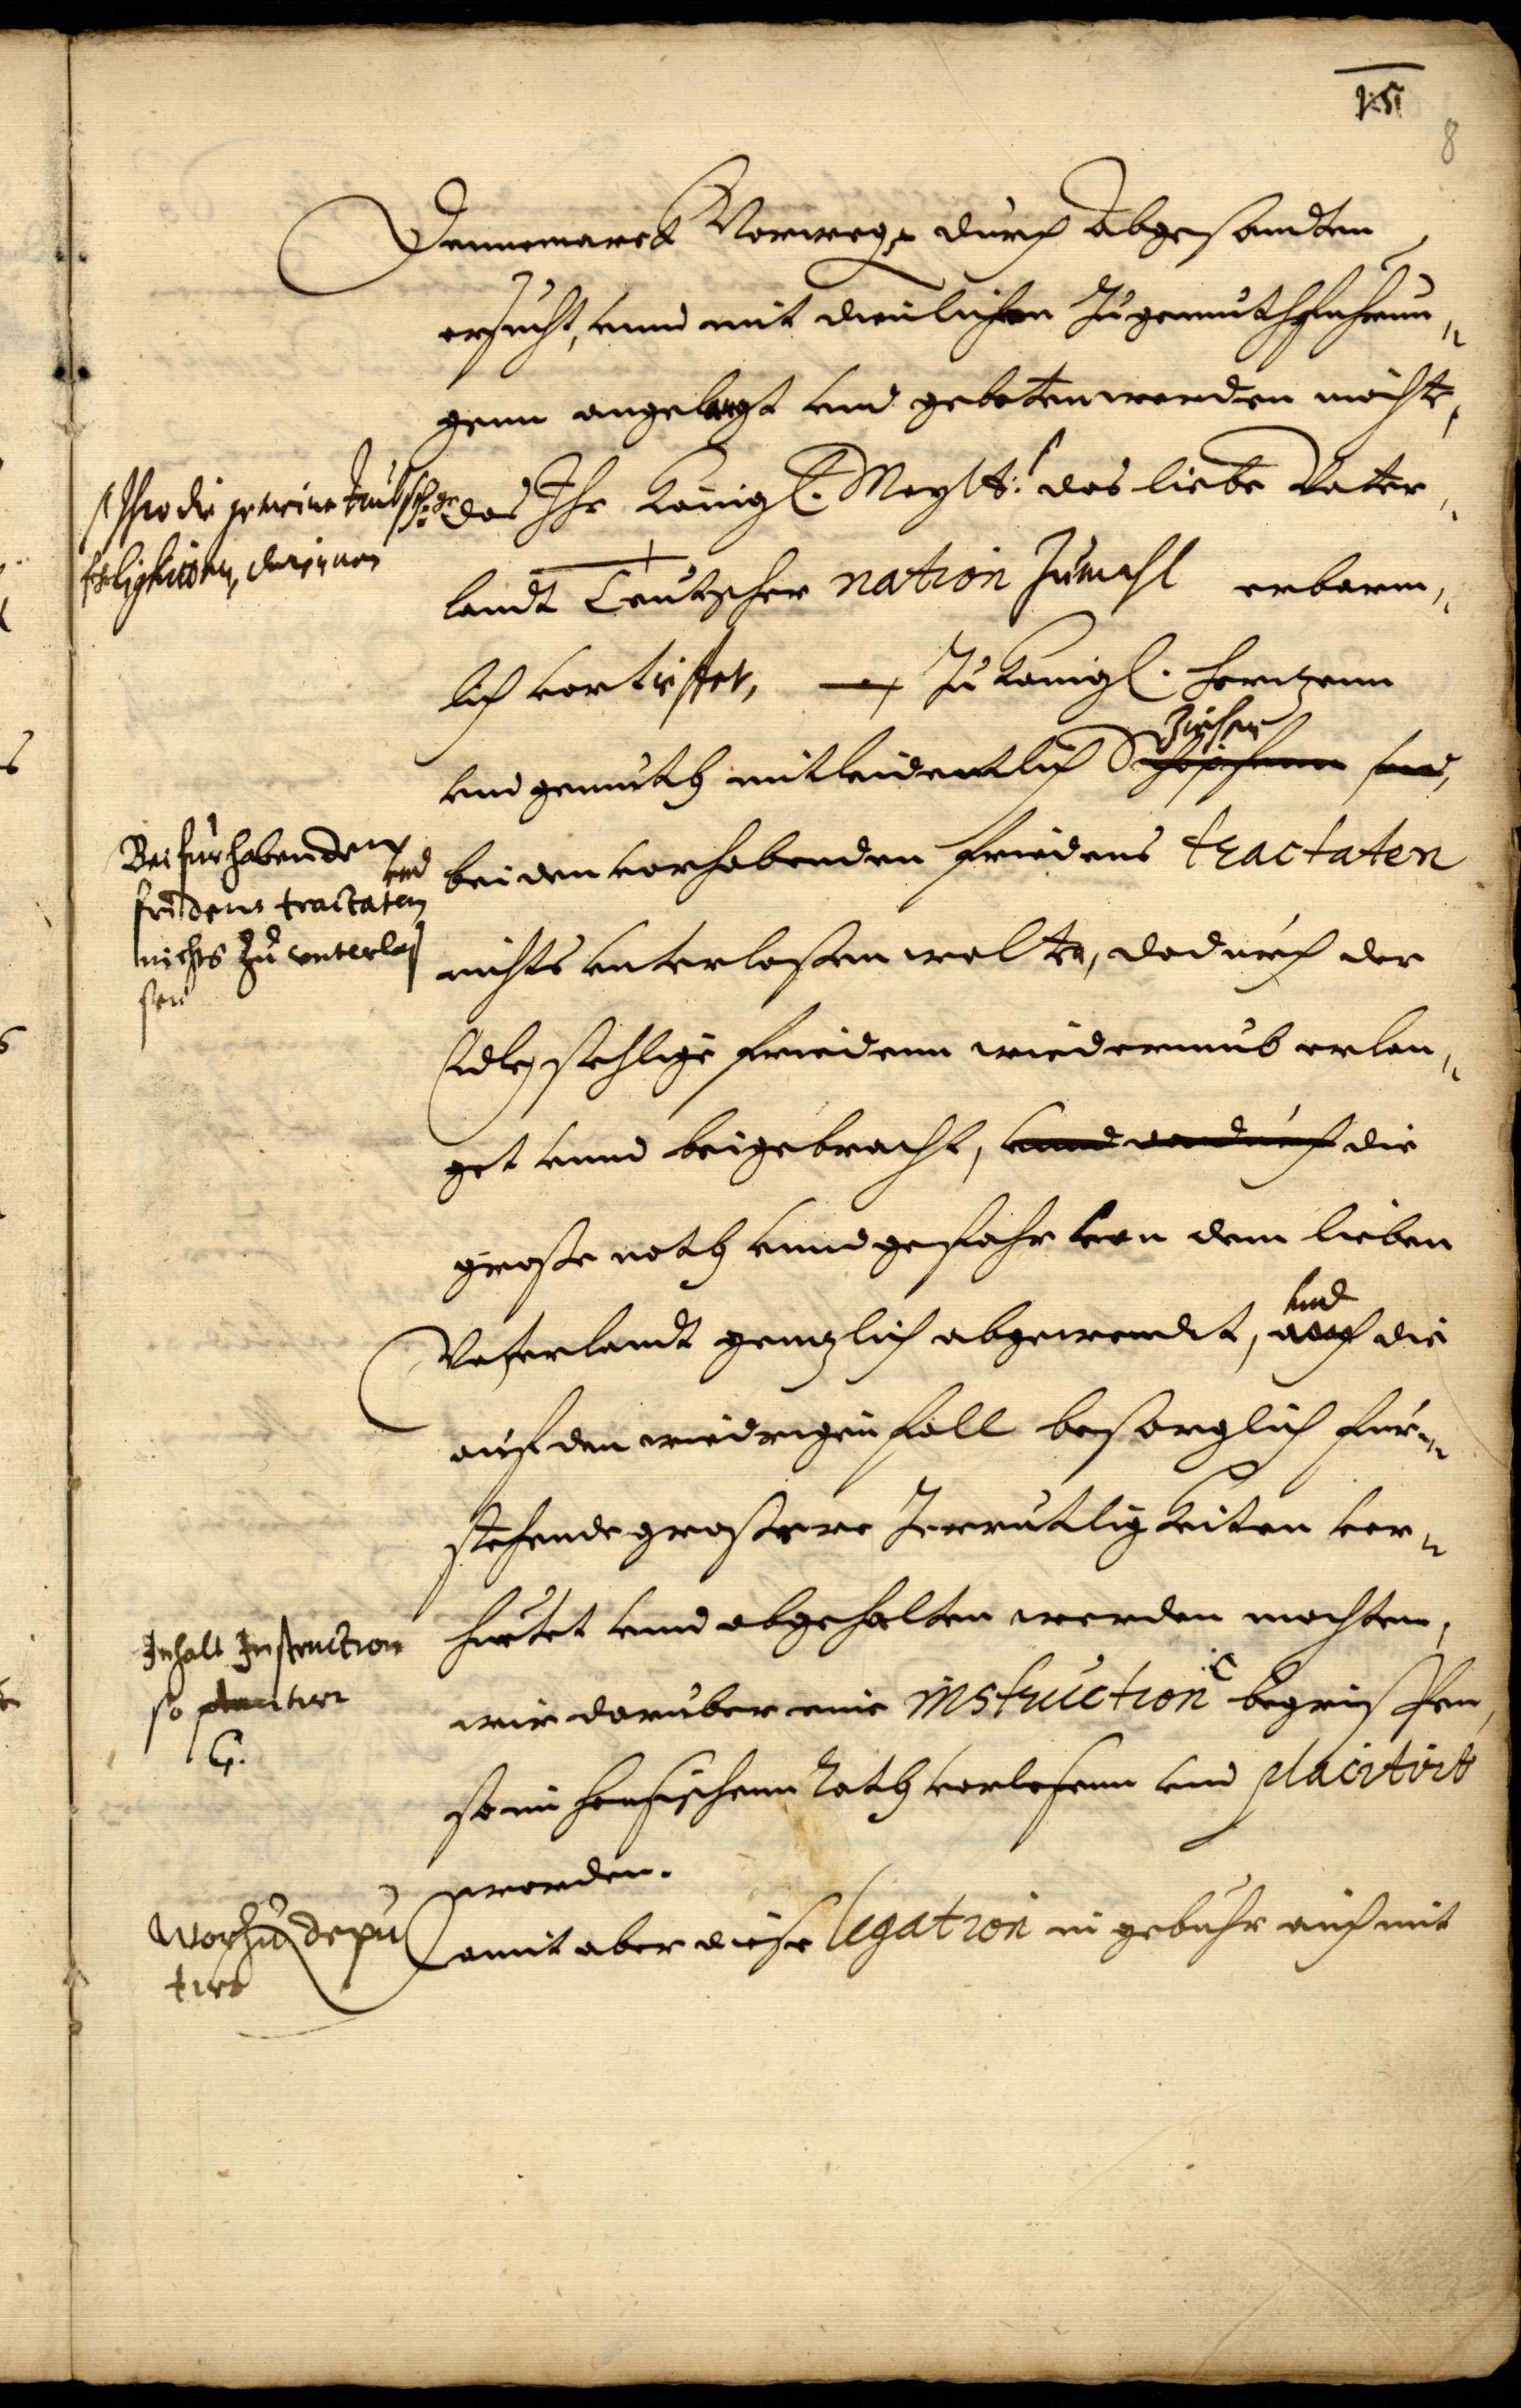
15
Dennemarck Norwegen durch Abgesandten
ersucht, vnnd mit dienlichen zugemuthfuhren¬
genn angelangt vnd geboten werden möchte,
das Ihr Königl. Maytt: f das liebe Vater¬
landt Teutscher nation zumahl erbarm¬
lich vortieffet, uf zu Konigl. hertzenn
ziehen
vnd gemuth mitleidentlich Sohphenn vnd
vnd bei den vorhabenden friedens tractaten
nichts vnterlaßen wolten, dadurch der
Edle sehlige friedenn wiederumb erlan¬
get vnnd beigebracht, Vnnd dadurch die
große noth vnnd gefahr von dem lieben
vnd
Vaterlandt gentzlich abgewendet, auch die
auf den wiedrigen fall besorglich fur¬
stehende großere Zerrutligkeiten ver¬
huetet vnnd abgehalten werden mochten,
wie daruber eine instruction begriffen,
so im hensischenn Rath vorlesenn vnd placitirt
worden.
Damit aber diese legation in gebuhr auch mit
f Ihre die gemeine teutsche ge
fehrligkeitten, darinnen
Bei furhabenden
fridens tractaten
nichts zu vnterlas
sen
Inhalt Instruction
so placitirt
G.
Worzu depu
tirt
